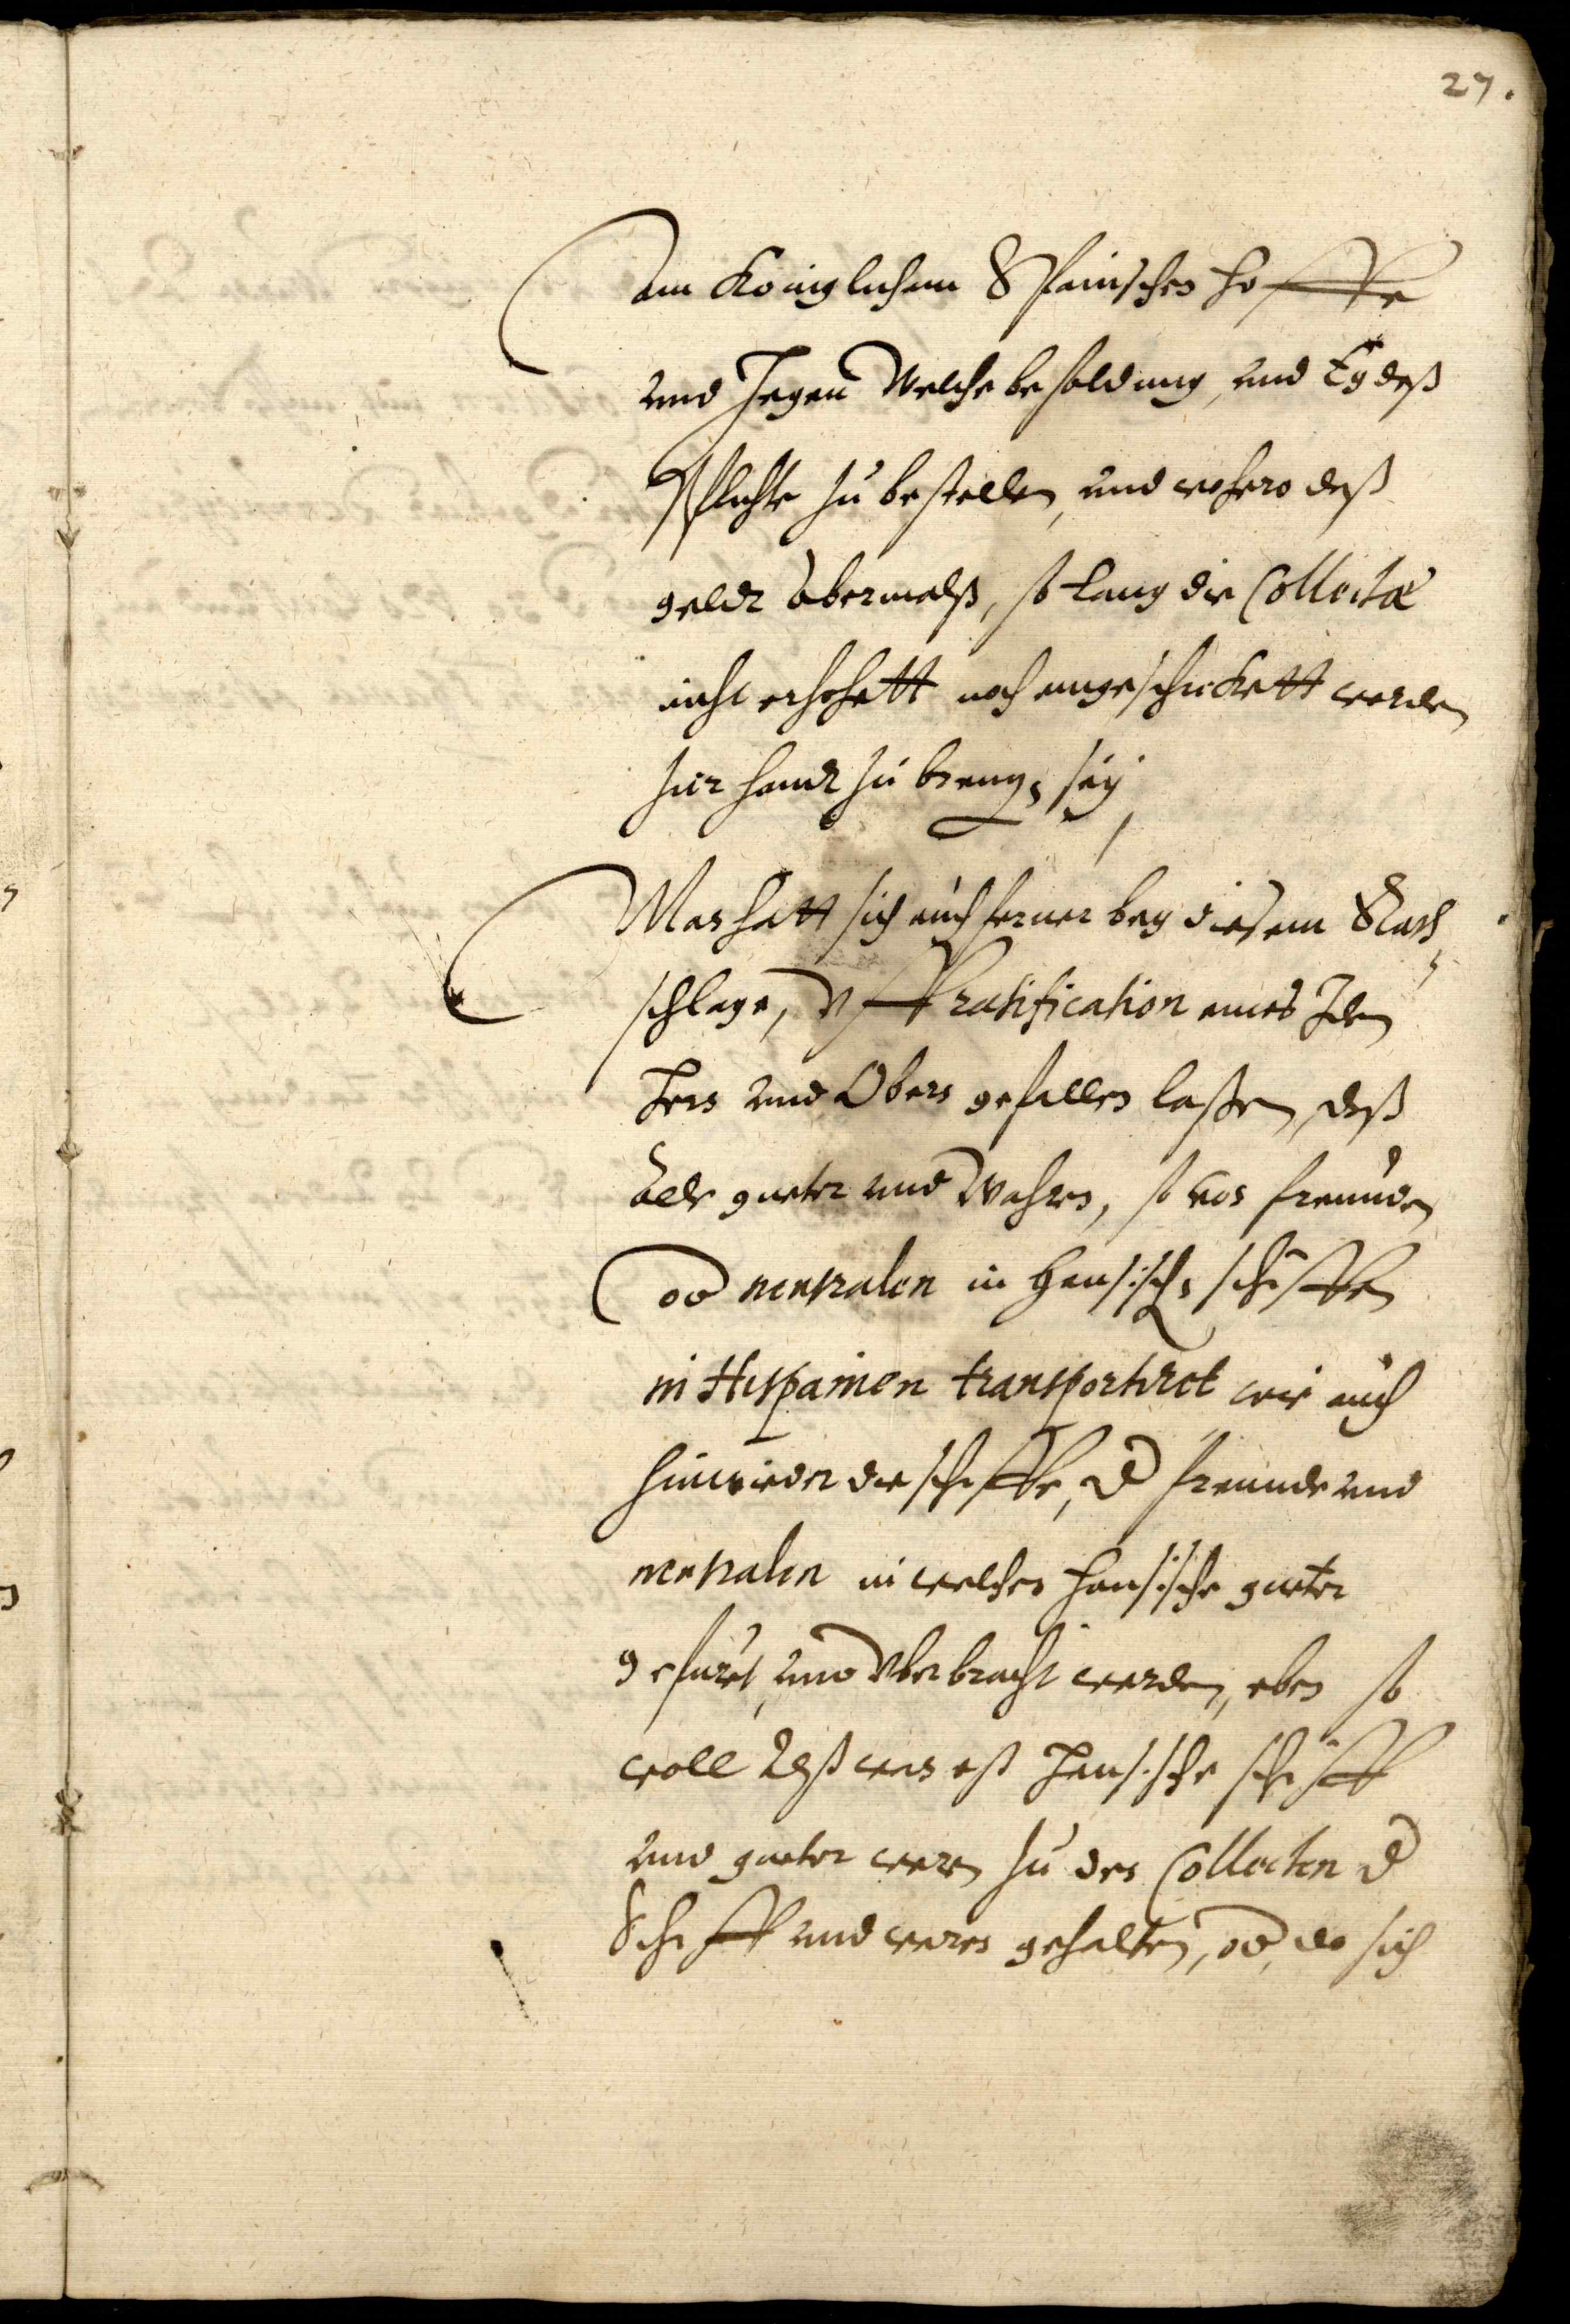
27.
Am koniglichen Spanischen hoffe
vnd gegen welche besoldung, vnd Eijdeß
Pflichte zu bestreben, vnd wohero daß
geldt Abermalß, so lang die Collecta
nicht erhohett noch eingeschickett worden
zur hand zu bregen seij,
Man hatt sich auch ferner beij diesem Rath¬
schlage, vff ratification eines Ihren
hern vnd Obern gefallen laßen, daß
Alle gueter vnd wahren, so von fremden
oder neutralen in Hansischen ? schiffen
in Hispanien transportiret wie auch
???? der schiffe, der fremde vnd
neutralen in welchen hansische gueter
gefuret, vnd vberbracht werden, eben so
woll Alß wen es hansische schiff
vnd gueter weren zu den Collecten der
Schiff vnd weren gehalten, oder ?? sich
